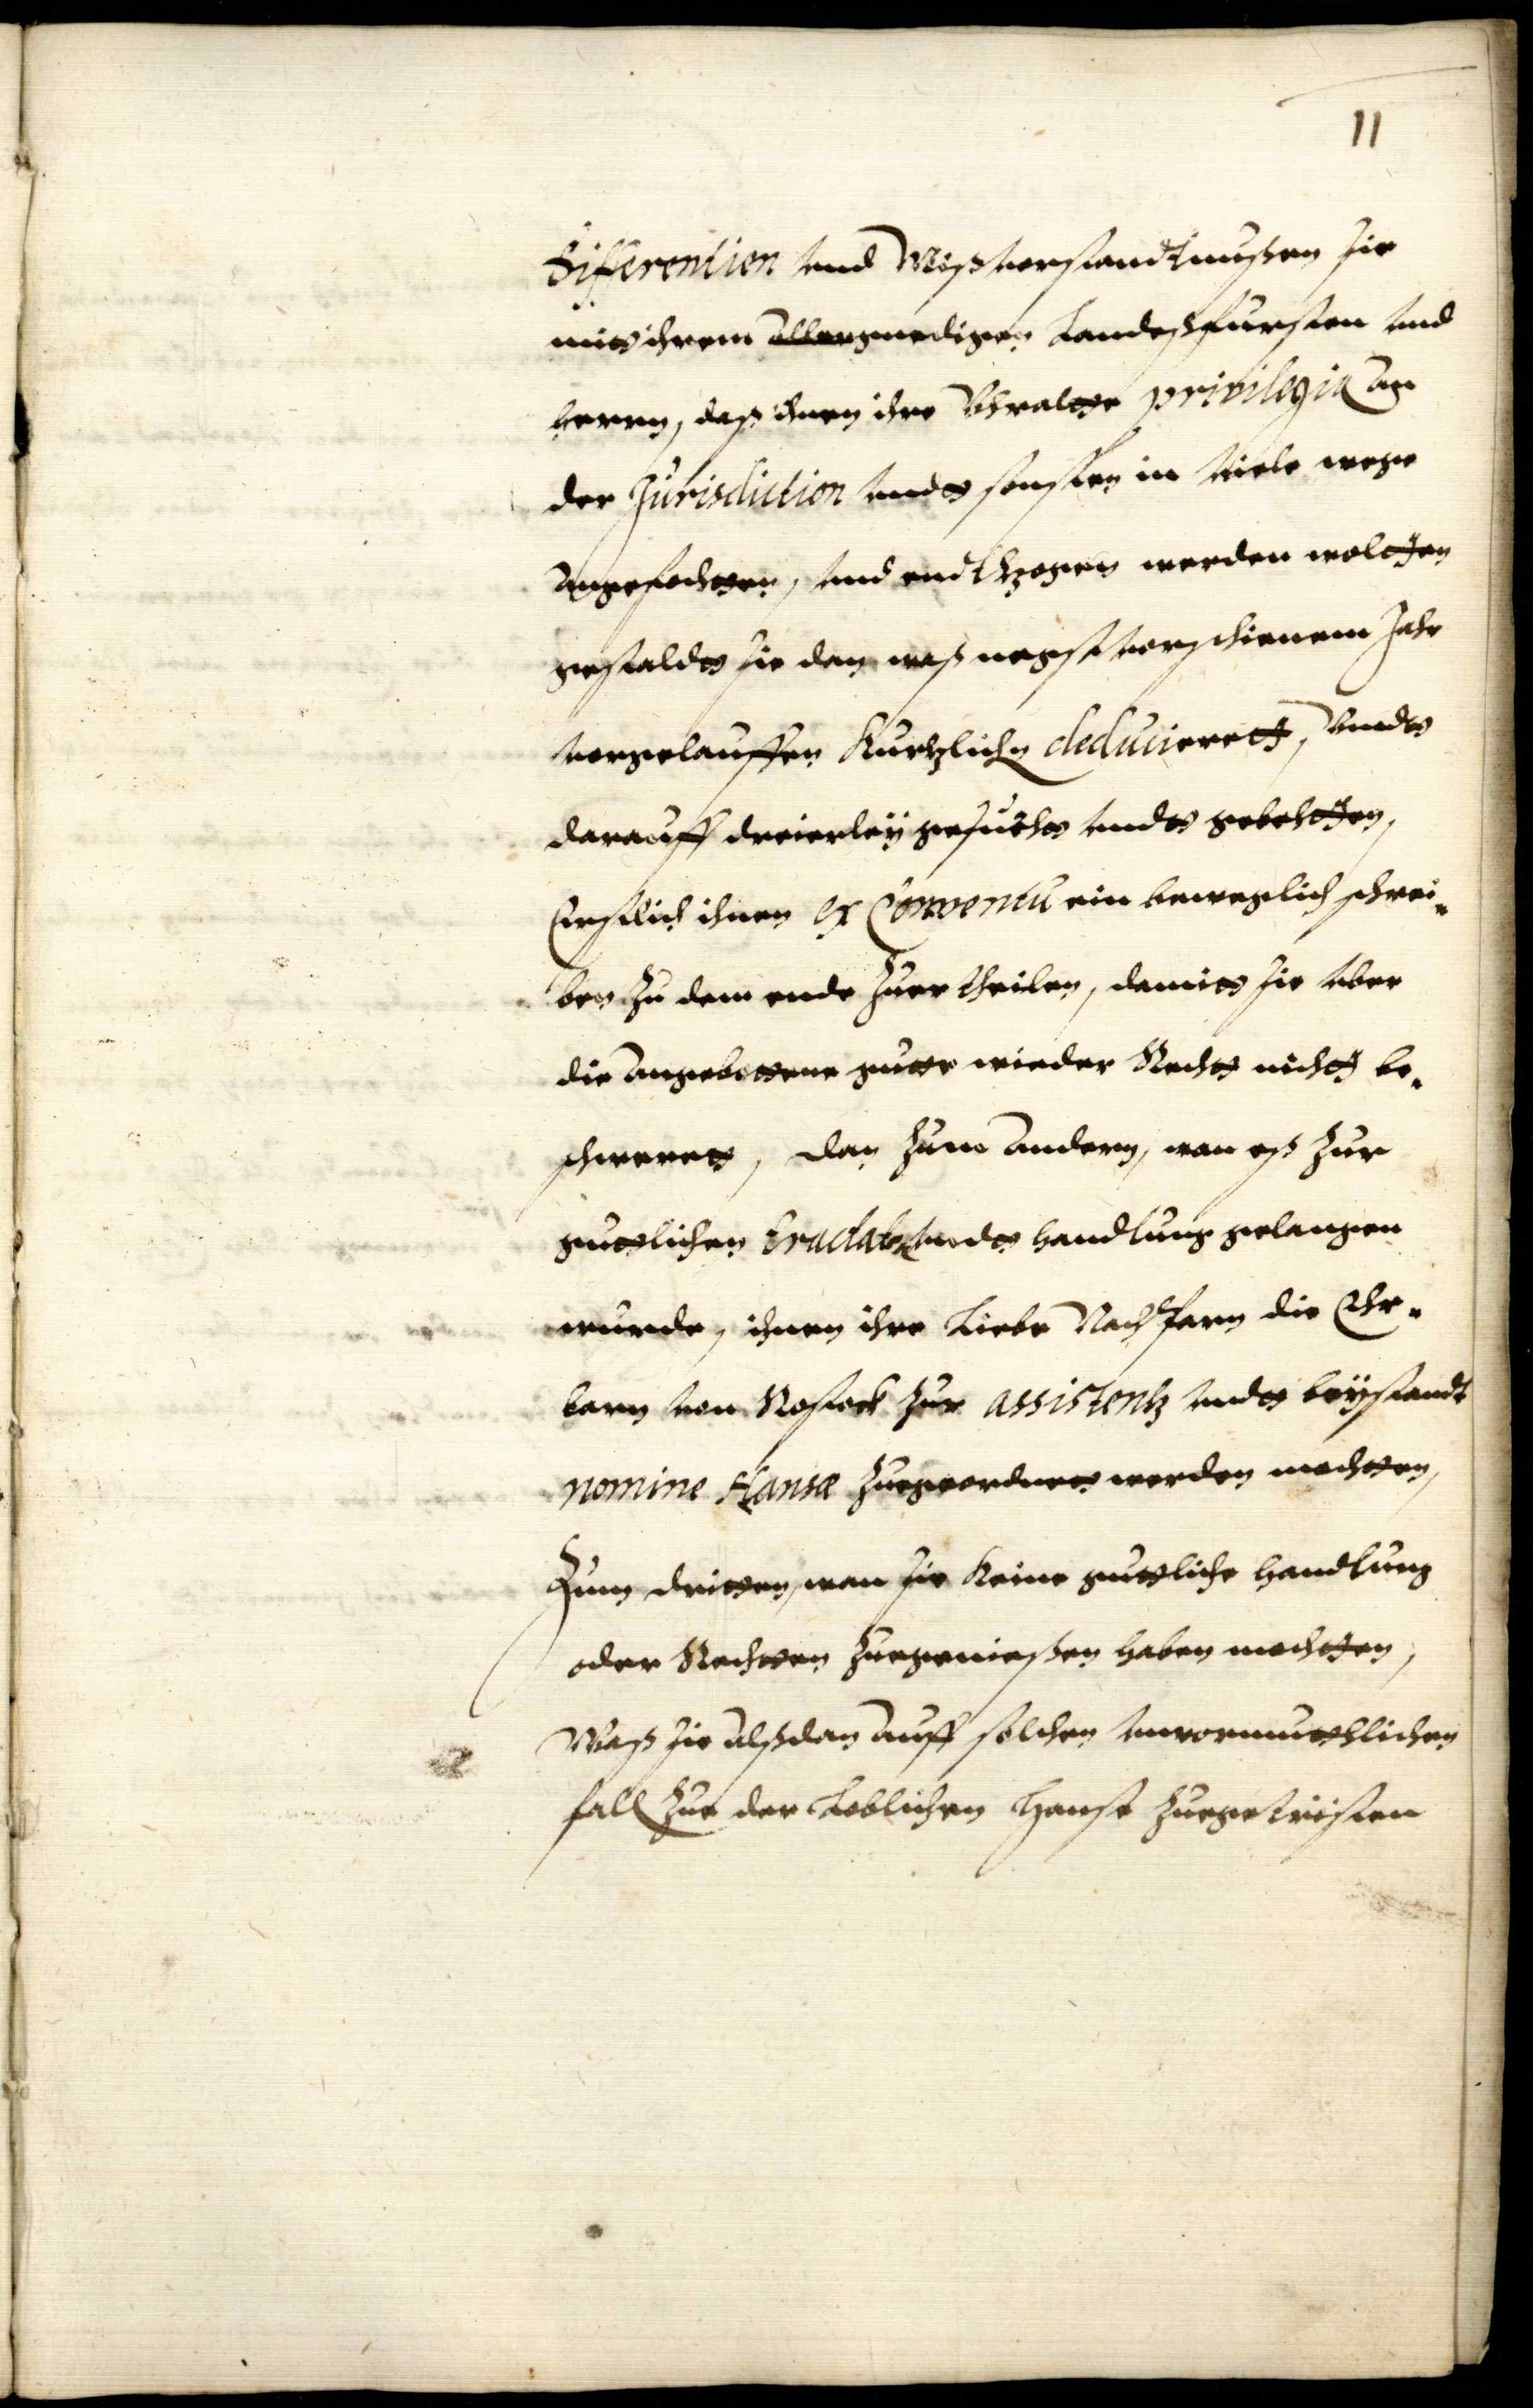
11
differentien vnd Mißverstandtnußen sie
mitt ihrem allergnedigen Landeßfursten vnd
herrn, daß ihnen ihre Vhraltten privilegia An
der Jurisdiction vndtt sonsten in viele wege
angefochtten, vnd endtzogen werden woltten
gestaldtt sie dan waß negst vorschienem Jahr
vorgelauffen kurtzlichen deducierett, Vndtt
darauff dreierleij gesuchtt vndtt gebohtten,
Erstlich ihnen ex conventu ein beweglich schrei¬
ben zu dem ende zuertheilen, damitt sie vber
die angebotttene gutte wieder Rechtt nichtt be¬
schwerett, dan zum andern, wan eß zur
guttlichen tractaten vndtt handlung gelangen
wurde, ihnen ihre Liebe Nachparn die Ehr¬
barn von Rostock zue assistentz vndtt beijstandt
nomine Hansae zuegeordnett werden mochtten,
Zum dritten, wan sie keine guttliche handlung
oder Rechtten zuegenießen haben mochtten,
Waß sie alßdan auff solchen vnvormutthlichen
fall zue der Loblichen Hanse zuegetrösten
